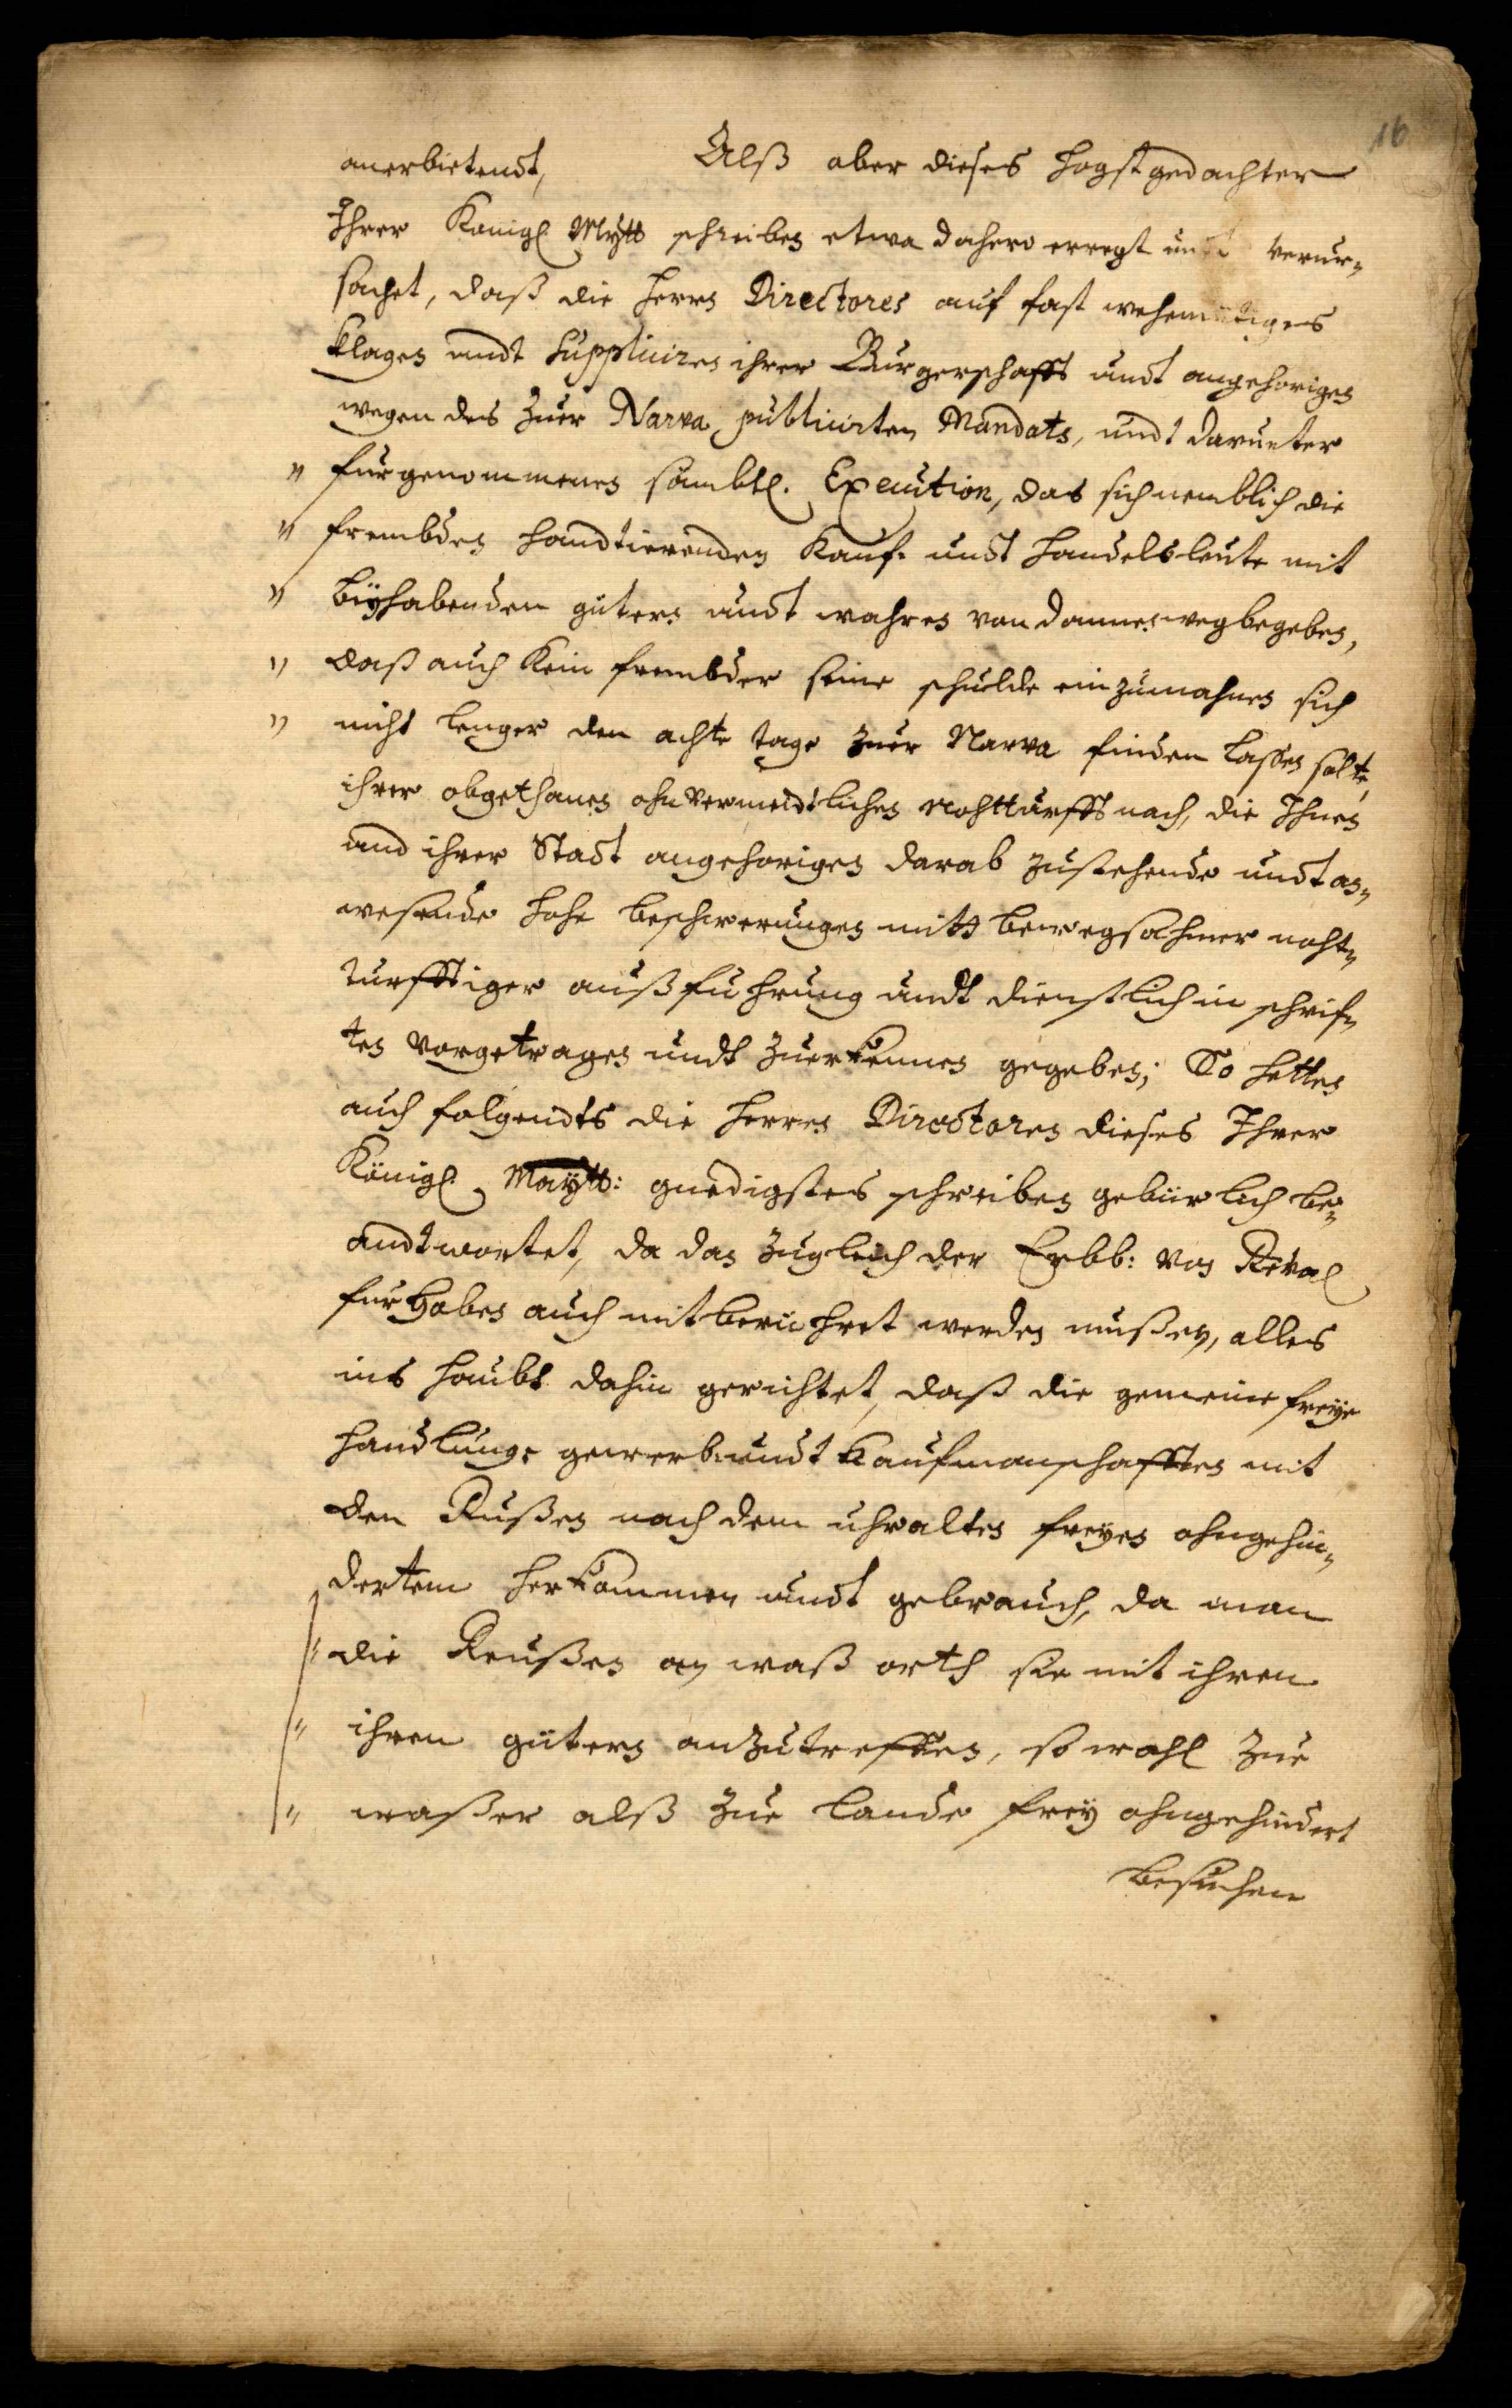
anerbietendt, Alß aber dieses hogstgedachter
Ihre Konigl. Mytt schreiben etwa dahero erregt undt verur¬
sachet, daß die herrn Directores auf fast wehemütiges
klagen undt suppluiren ihrer Burgerschafft undt angehorigen
wegen des zuer Narva publicirten Mandats, undt darunter
furgenommenen sämbtl. Execution, das sich nemblich die
frembden handtierenden kauf: undt Handelsleute mit
beijhabenden gütern undt wahren vondannen wegbegeben,
daß auch kein frembder seine schulde einzumahnen sich
nicht lenger den achte tage zuer Narva finden lassen solte,
ihrer obgethanen ohnvermeidtlichen Nohtturfft nach, die Ihnen
und ihrer Stadt angehorigen darab zustehende undt an¬
wesende hohe beschwerungen mitt bewegsamer noht¬
turfftiger außfuhrung undt dienstlich in schrif¬
ten vorgetragen undt zuerkennen gegeben; So hetten
auch folgendts die herren Directoren dieses Ihre
Königl. Maijtt: gnedigstes schreiben gebürlich be¬
andtwortet, da dan zugleich der Erbb: von Reval
furhaben auch mit berühret werden mußen, alles
ins haubt dahin gerichtet, daß die gemeine freije
handlunge gewerb: undt kaufmanschafften mit
den Rußen nach dem uhralten freijen ohngehin¬
dertem herkommen undt gebrauch, da man
die Reußen an waß orth sie mit ihren
ihren gütern anzutreffen, so wohl zue
waßer alß zue lande freij ohngehindert
besuchen.
